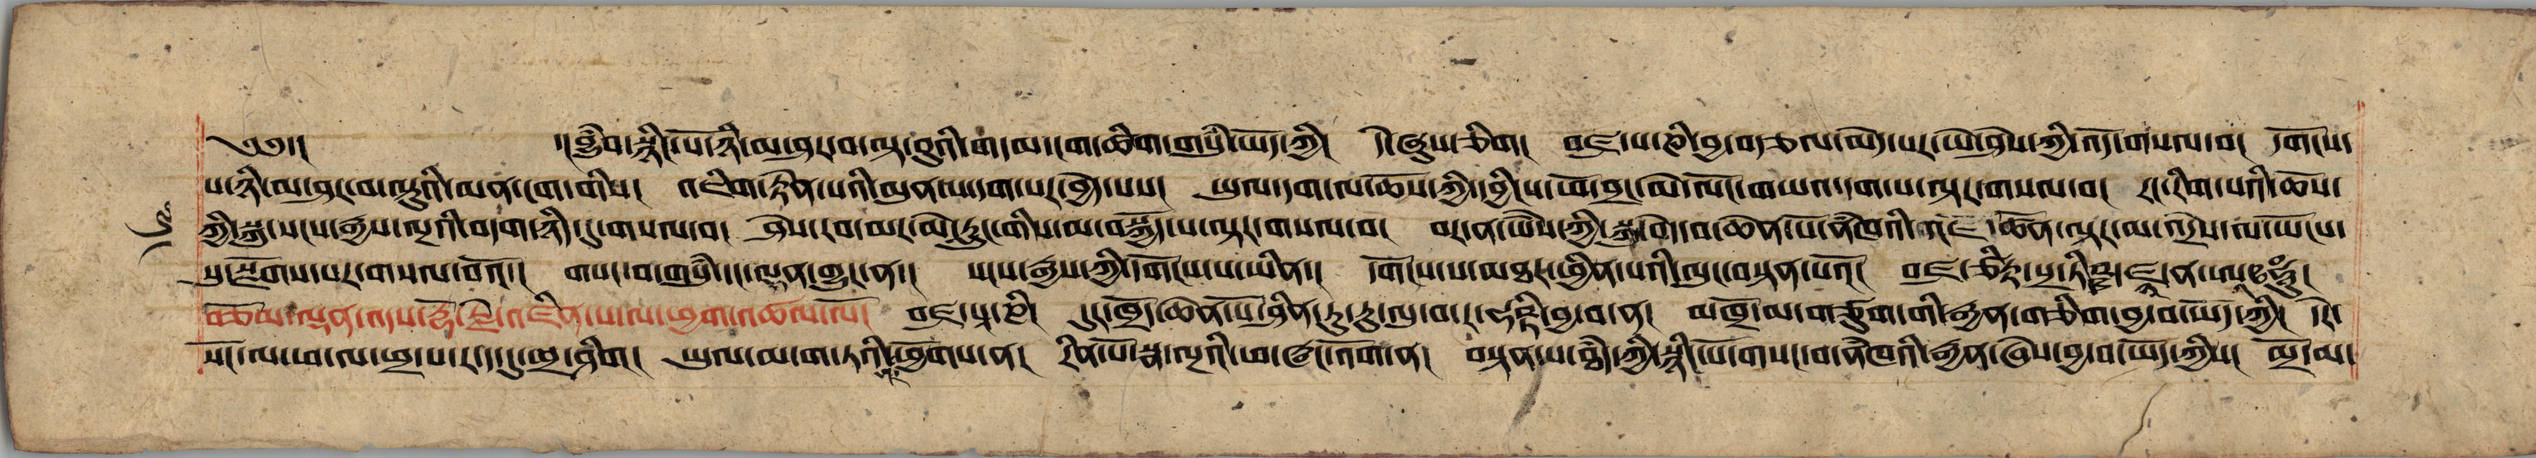༅༅་། ་།བྱུཾབ་སྙིང་པོ་ཉི་མ་ཤར་བ་ལྟ་བུའི་གདམ་ངག་ཚིག་གསུཾ་ཡོད་ཀྱི། དེ་ཞུས་ཅིག། བཛྲ་པ་ཎི་བྱ་བརྩལ་མེད་པར་ཡེ་ཤེས་ཀྱི་འདོ་གསལ་བ། དགོངས་
པ་ཉི་མ་ཤར་བ་ལྟུའི་མན་ངག་གིས། འཇིག་རྟེན་པའི་མུན་པ་དག་པར་བྱེད་པས། ཡུལ་དག་ལ་ཆོས་ཀྱི་དབྱིངས་ཕོ་བྲང་མེ་ལོང་གཡའ་དག་པ་ལྟར་གསལ་བ། རང་རིག་པའི་ཆོས་
ཀྱི་སྐུ་སངས་རྒྱས་ལྔའི་བདག་ཉིད་དུ་གསལ་བ། ཤེས་རབ་མར་མེ་རླུང་གིས་མ་བསྐྱོད་པ་ལྟར་གསལ་བ། བར་ན་ཡཻས་ཀྱི་སྐུ་བདེ་བ་ཆེན་པོ་ནཾཁའི་འཇ་ཚོན་ལྟར་མ་འདྲེས་ལ་ཡོངས་
སུ་སྫོགས་པར་གསལ་བའོ་། གསང་བ་གསུཾ་དང་ལྡན་གྱུར་ན་། སངས་རྒྱས་ཀྱི་དགོངས་པ་ཡིན་། དགོངས་པ་མཐར་ཕྱིན་པའི་ལུང་བསྟན་པའོ། བཛྲ་ཙིཏྟ་སྲ་ཏིཥྛ་ཛྙཱ་ན་ཨཱཿཧཱུྂ།
བཅོམ་ལྡན་འདས་རྡོ་རྗེ་འཛིན་པ་ལ་ཕྱག་འཚལ་ལོ། བཛྲ་པཱ་ཎི། དུར་ཁྲོད་ཆེན་པོ་ཤིན་ཏུ་རུ་ལུ་བ་ར་ཧཥྟི ་བྱ་བ་ན། མཁྲོ་མ་གཙུག་གི་རྒྱན་གཅིག་བྱ་བ་ཡོད་ཀྱི། དེར་
སོང་ལ་ཕ་ལ་ཕྲ་བ་ར་ད་དུ་ཕྲ་ཤིག། ཡུལ་མ་ག་ཏའི་ཤར་ཕྱོགས་ན། རིན་པོ་སྣ་ལྔའི་ཕ་ཝང་འོག་ན། བསྟན་པ་ཐཾད་ཀྱི་སྙིང་པོ་གསང་བ་ནཾཁའི་རྒྱན་ཞེས་བྱ་བ་ཡོད་ཀྱིས། མྲོ་མ་